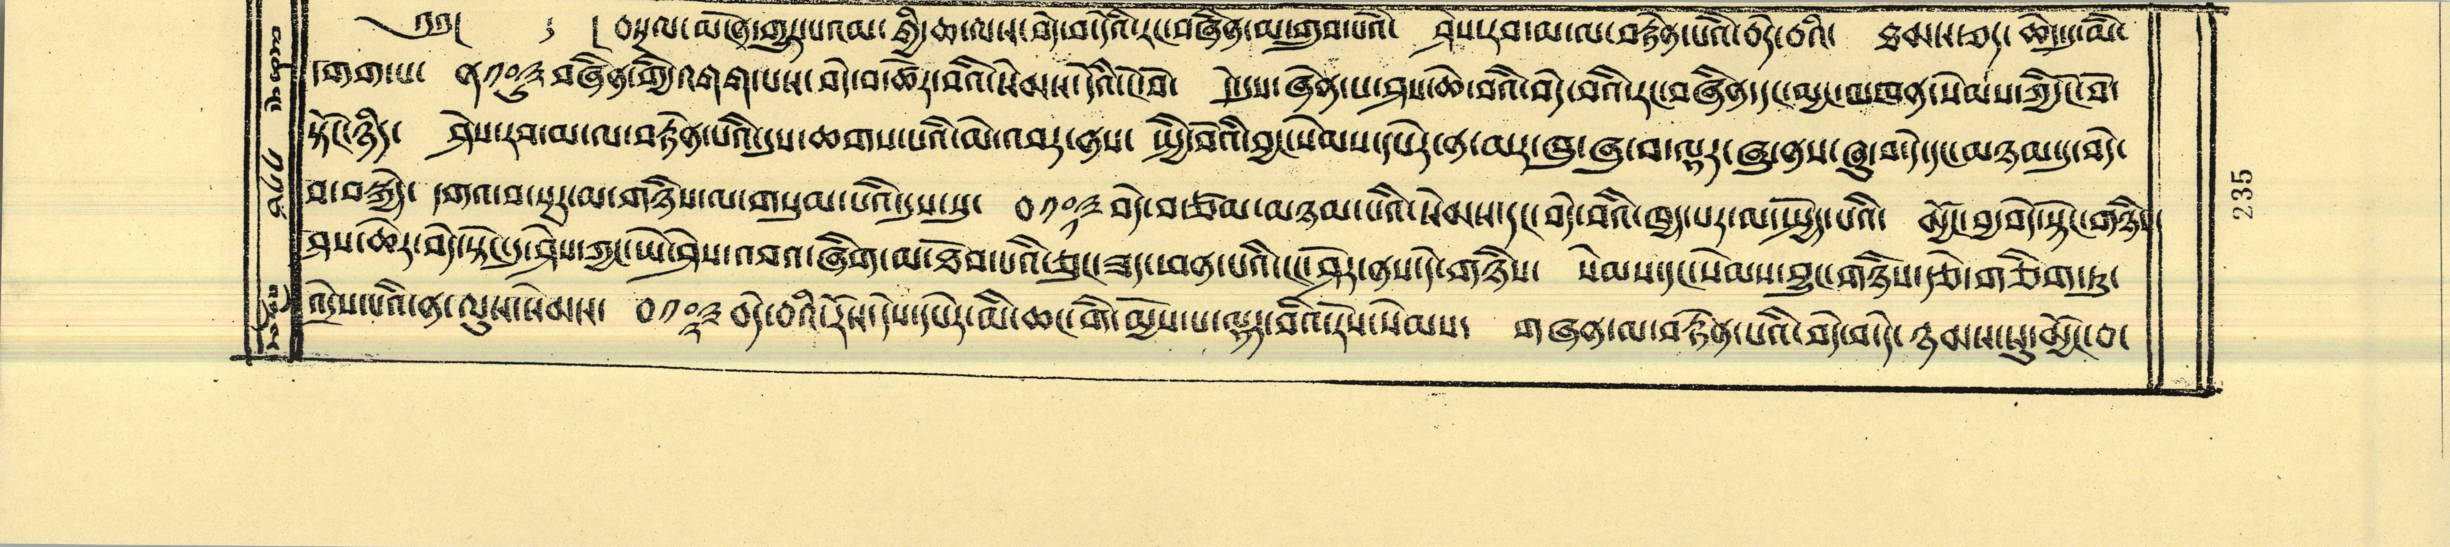༼བསྔལ་༽མངོན་གྱུར་པའམ་ ༼གྱི་ཆ་ལས་༽བདེ་བ་དེའི་རང་བཞིན་མ་གྲུབ་པའི། ཤེས་རབ་མ་ལ་བརྟེན་པའི་ ༼བདེ་བའི་༽ ༼ཐམས་ཅད་༽ཆེད་དུ་མི་
དགག་པ་ན༡༠༣།༦ བཞིན་གྱི་ ༼འགག་པས་༽བདེ་བ་ཚོར་བའི་ ༼སེམས་༽དེའི་ངོ་བོ། དེ་དུས་ཞེན་པ་ཤས་ཆེ་བའི་བདེ་བའི་རང་བཞིན་དང་མྱང་མཁན་སེམས་ཀྱི་ངོ་བོ་ 
༼སྟོང་ཉིད་༽ཤེས་རབ་མ་ལ་བརྟེན་པའི་དུས་ཆགས་པའི་མེ་འབར་ནས། སྤྱི་བོའི་བྱང་སེམས་དཔེར་ན་མར་ཁུ་ཞུ་བ་ལྟར་ཞུ་ནས་ཞུ་བ་དེ་དང་མཉམ་དུ་བདེ་
བ་བསྐྱེད། དགའ་བ་སྔར་མ་གཉིས་ལ་གསུམ་པའི་དུས་སུ་བ༡༠༣།༡ བདེ་བ་ཙམ་མཉམ་པའི་ ༼སེམས་དང་༽བདེ་བའི་ཁྱད་པར་ལ་སྤྱོད་པའི་ ༼མྱོང་༽བྱ་བདེ་སྟོང་གཉིས་
ཤས་ཆེར་བདེ་སྟོང་དུ་ཤེས་ཀྱང་ཡེ་ཤེས་འབའ་ཞིག་མ་ཐོབ་པའི་ཅུང་ཟད་ཕན་པའི་ངང་ཤོར་ནས་དེ་གཉིས། སེམས་དང་སེམས་འབྱུང་གཉིས་རྩེ་གཅིག་ཏུ་
འདྲེས་པའི་ན་ ༼ལུས་སེམས་༽བ༡༠༣།༢ ༼བདེ་བའི་རོས་༽དེས་དཔེར་མི་ཆང་གི་མྱོས་པ་ལྟར་བའི་རོས་སེམས། གཞན་ལ་བརྟེན་པའི་བདེ་བ་དེ་ ༼ཉམས་སུ་མྱོང་བ་༽